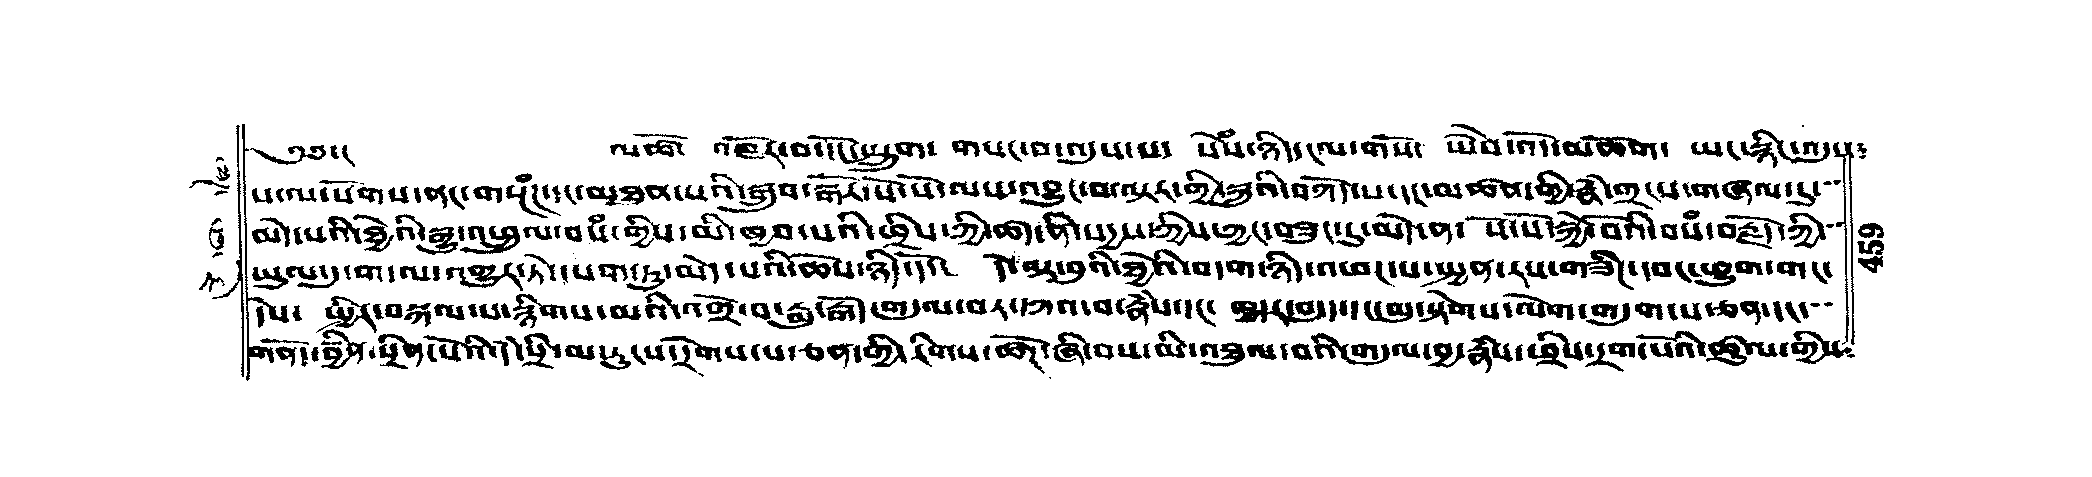མཚོ། འཁོར་བ་དོང་སྤྲུག་གསང་བ་འདུས་པ། སེམས་ཉིད་ངལ་གསོ། ཡེ་ཤེས་འོད་མཆོག་ཡང་སྙིང་འདུས་
པ་ལ་སོགས་ནང་གསང་སྔགས་དང་མཐུན་པའི་སྒྲུབ་སྐོར་སོ་སོ་ལས་འབྱུང་བ་ལྟར་གྱི་སྐུའི་བཀོད་པ་དང་མཚན་གྱི་རྣམ་གྲངས་གཞལ་ཡས་དུ་
མེད་པའི་ཐུགས་རྗེའི་སྒྱུ་འཕྲུལ་བསམ་གྱིས་མི་ཁྱབ་པའི་ཕྲིན་ལས་ཀྱི་ཚད་ནི་སངས་རྒྱས་ཀྱིས་ཀྱང་བཟུང་དུ་མེད་ན། སོ་སོ་སྐྱེ་བོའི་བསམ་བརྗོད་ཀྱི་
ཡུལ་དུ་ག་ལ་འགྱུར་ཏེ་དཔག་ཏུ་མེད་པའི་ཆོས་ཉིད་དོ། དེ་ལྟ་བུའི་ཐུགས་རྗེའི་བདག་ཉིད་འཕགས་པ་སྤྱན་རས་གཟིགས་དབང་ཕྱུག་གང་
དེས། སྤྱིར་བསྐལ་པ་སྙིགས་མའི་འགྲོ་བ་རྨུ་རྒོད་གདུལ་བར་དཀའ་བ་རྣམས་དང་། ཁྱད་པར་བདུད་དང་མུ་སྟེགས་ལོག་གདུག་པ་ཅན་དང་
གནོད་སྦྱིན་སྲིན་པོའི་དམ་སྲི་མ་རུངས་དྲེགས་པ་ཅན་གྱི་རིགས་ཚོགས་ཞི་བས་མི་འཐུལ་བའི་གདུལ་བྱ་རྣམས་ཕྲིན་ལས་དྲག་པོའི་ཚུལ་གྱིས་